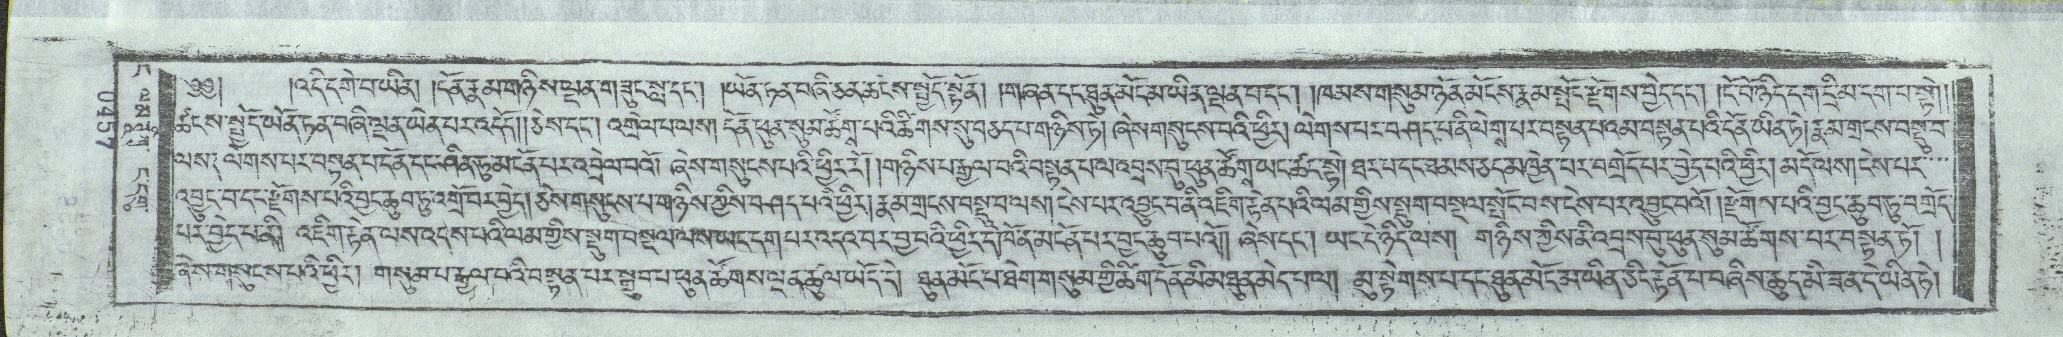༄༅། །འདི་དགེ་བ་ཡིན། །དོན་རྣམ་གཉིས་ལྡན་གཟུང་སླ་དང་། །ཡོན་ཏན་བཞི་ཅན་ཚངས་སྤྱོད་སྟོན། །གཞན་དང་ཐུན་མོང་མ་ཡིན་ལྡན་པ་དང་། །ཁམས་གསུམ་ཉོན་མོངས་རྣམ་སྤོང་རྫོགས་བྱེད་དང་། །ངོ་བོ་ཉིད་དག་དྲི་མ་དག་པ་སྟེ།།
ཚངས་སྤྱོད་ཡོན་ཏན་བཞི་ལྡན་ཡིན་པར་འདོད། །ཅེས་དང་། འགྲེལ་པ་ལས། དོན་ཕུན་སུམ་ཚོགས་པའི་ཚིགས་སུ་བཅད་པ་གཉིས་ཏེ། ཞེས་གསུངས་བའི་ཕྱིར། ལེགས་པར་བཤད་པ་ནི་ལེགས་པར་བསྟན་པའམ་བསྟན་པའི་དོན་ཡིན་ཏེ། རྣམ་གྲངས་བསྡུ་བ་
ལས༑ ལེགས་པར་བསྟན་པ་དོན་དང་ཤིན་ཏུ་མངོན་པར་འབྲེལ་བའོ། ཞེས་གསུངས་པའི་ཕྱིར་རོ། །གཉིས་པ་རྒྱལ་བའི་བསྟན་པ་ལ་འབྲས་བུ་ཕུན་ཚོགས་ཡང་ཚང་སྟེ། ཐར་པ་དང་ཐམས་ཅད་མཁྱེན་པར་བགྲོད་པར་བྱེད་པའི་ཕྱིར། མདོ་ལས། ངེས་པར་
འབྱུང་བ་དང་རྫོགས་པའི་བྱང་ཆུབ་ཏུ་འགྲོ་བར་བྱེད། ཅེས་གསུངས་པ་གཉིས་ཀྱིས་བཤད་པའི་ཕྱིར། རྣམ་གྲངས་བསྡུ་བ་ལས། ངེས་པར་འབྱུང་བ་ནི་འཇིག་རྟེན་པའི་ལམ་གྱིས་སྡུག་བསྔལ་སྤོང་བས་ངེས་པར་འབྱུང་བའོ། །རྫོགས་པའི་བྱང་ཆུབ་ཏུ་བགྲོད་
པར་བྱེད་པ་ནི། འཇིག་རྟེན་ལས་འདས་པའི་ལམ་གྱིས་སྡུག་བསྔལ་ལས་ཡང་དག་པར་འདའ་བར་བྱ་བའི་ཕྱིར་དེ་ཁོ་ན་མངོན་པར་བྱང་ཆུབ་པའོ།། ཞེས་དང་། ཡང་དེ་ཉིད་ལས། གཉིས་ཀྱིས་ནི་འབྲས་བུ་ཕུན་སུམ་ཚོགས་པར་བསྟན་ཏོ། །
ཞེས་གསུངས་པའི་ཕྱིར། གསུམ་པ་རྒྱལ་བའི་བསྟན་པར་སྒྲུབ་པ་ཕུན་ཚོགས་ལྡན་ཚུལ་ཡོད་དེ། ཐུན་མོང་པ་ཐེག་གསུམ་གྱི་ཚིག་དོན་མི་མཐུན་མེད་པ་ལ། མུ་སྟེགས་པ་དང་ཐུན་མོང་མ་ཡིན་ཅིང་རྟོན་པ་བཞིས་ཆུད་མི་ཟ་མ་དེ་ཡིན་ཏེ།